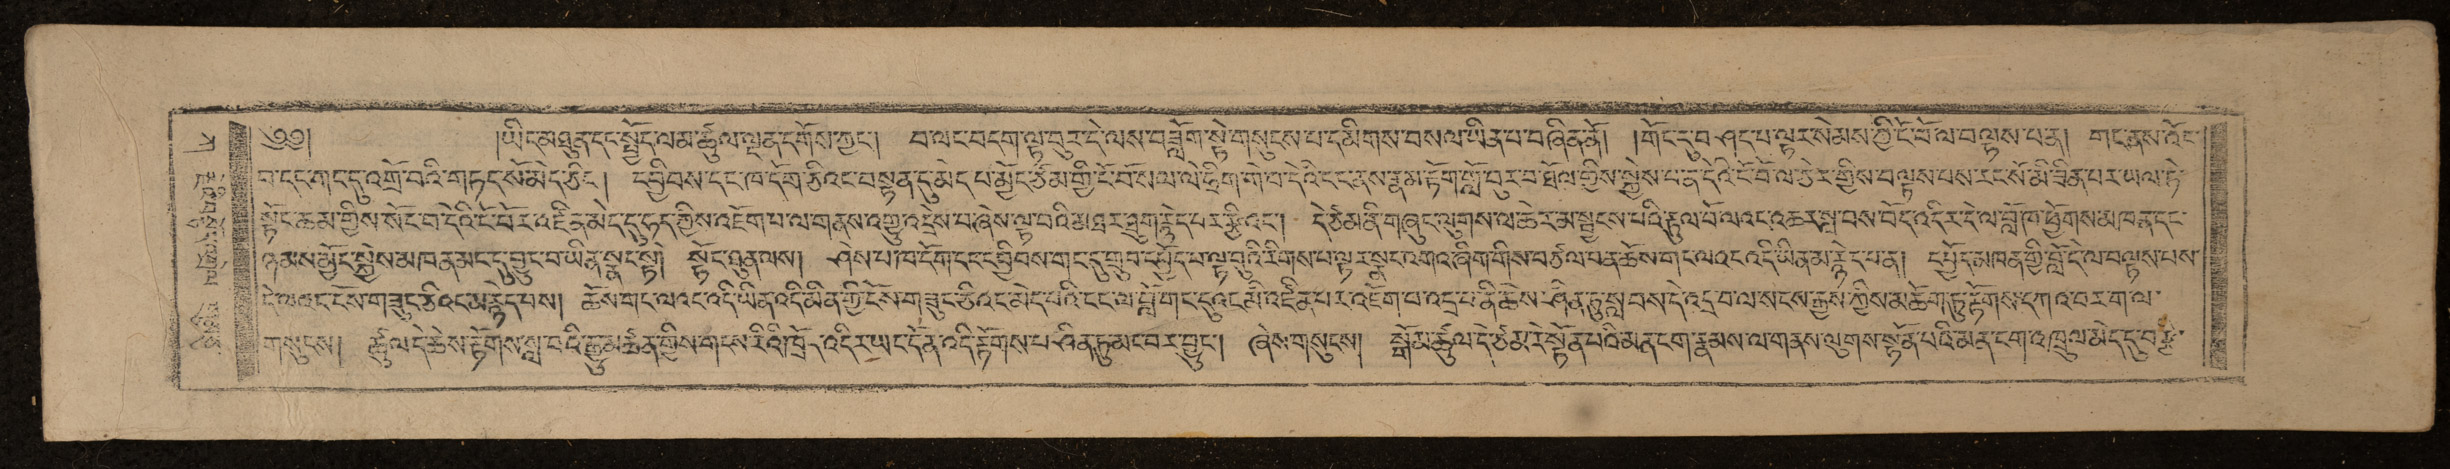༄༅། །ཡིད་མཐུན་དང་སྦྱོད་ལམ་ཚུལ་ལྡན་དགོས་ཀྱང་། བ་ལང་བདག་གི་ལྟ་བུར་ད་ལས་བཟློག་སྟེ་གསུངས་པ་དམིགས་བསལ་ཡིན་པ་བཞིན་ནོ། །གོང་དུ་བཤད་པ་ལྟར་སེམས་ཀྱི་ངོ་བོ་ལ་བལྟས་པ་ན། གང་ནས་འོང་
བ་དང་གང་དུ་འགྲོ་བའི་གཏང་སོ་མེད་ཅིང་། དབྱིབས་དང་ཁ་དོག་ཅིའང་བསྟན་དུ་མེད་པ་མྱོང་ཙམ་གྱི་ངོ་བོ་སལ་ལེ་ཧྲིག་གེ་བ་དེའི་ངང་ནས་རྣམ་རྟོག་གླ་བུར་བ་ཐོལ་གྱིས་སྐྱེས་བ་ན་དེའི་ངོ་བོ་ལ་ཅེར་གྱིས་བལྟས་པས་རང་སོ་མི་ཟིན་པར་ཡལ་ཏེ་
སྟོང་ཆམ་གྱིས་ཡོད་པ་དེའི་ངོ་བོར་འཛིན་མེད་དུ་ཧད་ཀྱིས་འཇོག་པ་ལ་གནས་འགྱུ་འདྲེས་བ་ཞེས་ལྟ་བའི་མཐར་ཐུག་རྙེད་པར་རྩིའང་། དེ་ཙམ་ནི་གཞུང་ལུགས་ལ་ཆེར་མ་སྦྱངས་པའི་རྟུལ་བོ་ལའང་འཆར་སླབས་བོད་འདིར་དེ་ལ་བློ་ཁ་ཕྱོགས་མཁན་དང་
ཉམས་མྱོང་སྐྱེས་མཁན་མང་དུ་བྱུང་བྱ་ཡིན་སྣང་སྟེ། སྟོང་ཐུན་ལས། ཤེས་པ་ཁ་དོག་དང་དབྱིབས་གང་དུ་གྲུབ་དཔྱོད་པ་བལྟ་བུའི་རིགས་པ་ལྟར་སྣང་འགའ་ཞིག་གིས་བཙལ་བན་ཆོས་གང་ལའང་འདི་ཡིན་མ་རྙེད་པ་ན། དཔྱོད་མཁན་གྱི་བློ་དེ་ལ་བལྟས་པས་
དེ་ལའང་ངོས་གཟུང་ཅིའང་མ་རྙེད་པས། ཆོས་གང་ལའང་འདི་ཡིན་འདི་མིན་གྱི་ངོས་གཟུང་ཅིའང་མེད་པའི་ངང་ལ་བློ་གང་དུའང་མི་འཛིན་པར་འཇོག་པ་འདྲ་བ་ནི་ཆེས་ཤིན་ཏུ་སླ་བས་དེ་འདྲ་བ་ལ་སངས་རྒྱས་ཀྱིས་མཆོག་ཏུ་རྟོགས་དཀའ་བར་ག་ལ་
གསུངས། ཚུལ་དེ་ཆེས་རྟོགས་སླ་བའི་རྒྱུ་མཚན་གྱིས་གངས་རིའི་ཁྲོད་འདིར་ཡང་དོན་འདི་རྟོགས་བ་ཤིན་ཏུ་མང་བར་བྱུང་། ཞས་གསུངས། སྒོམ་ཚུལ་དེ་ཙམ་རེ་སྟོན་པའི་མན་ངག་རྣམས་ལ་གནས་ལུགས་སྟོན་བའི་མན་ངག་འཁྲུལ་མེད་དུ་བརྩི་